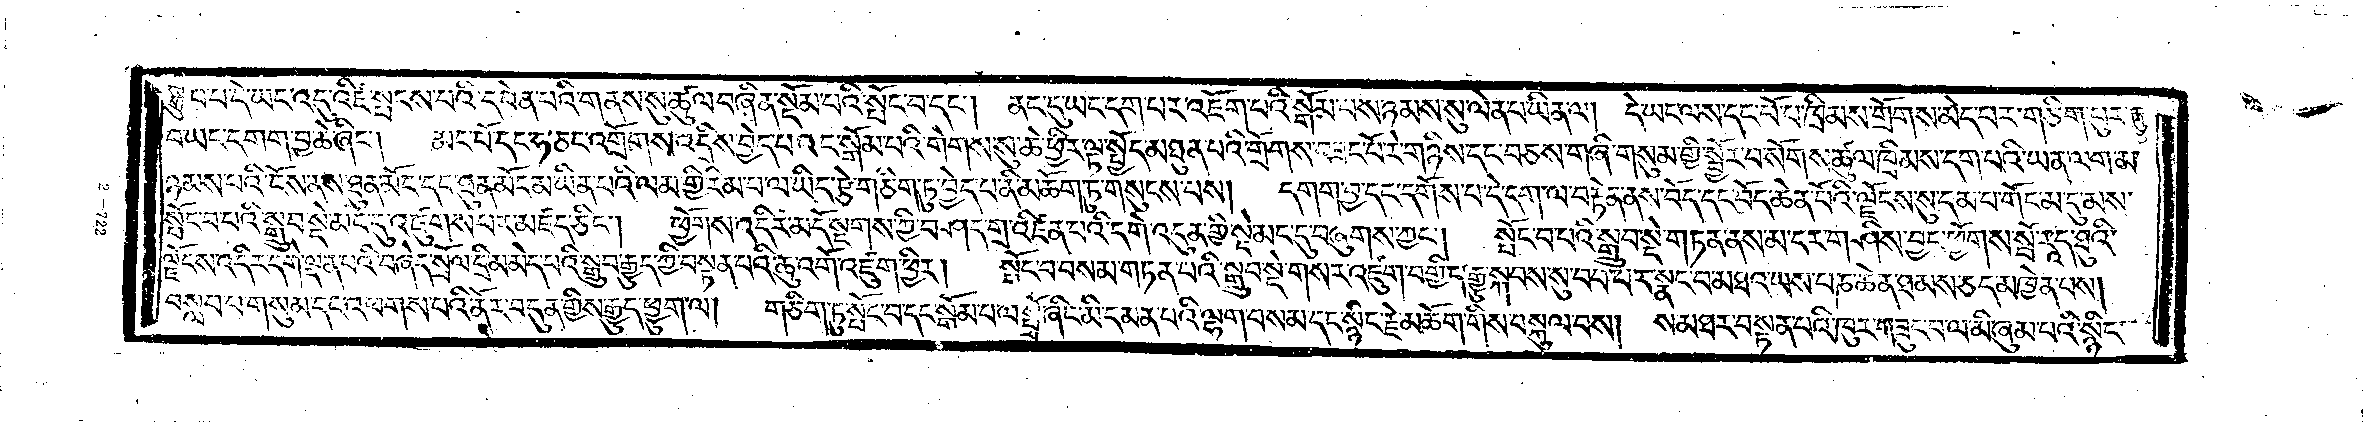བབ་དེ་ཡང་འདུ་འཛིན་སྤངས་པའི་དབེན་པའི་གནས་སུ་ཚུལ་བཞིན་སྡོམ་པའི་སྤོང་བ་དང་། ནང་དུ་ཡང་དག་པར་འཇོག་པའི་སྒོམ་པས་ཉམས་སུ་ལེན་པ་ཡིན་ལ། དེ་ཡང་ལས་དང་པོ་པ་ཁྲིམས་གྲོགས་མེད་པར་གཅིག་པུར་རྒྱུ་
བ་ཡང་དགག་བྱ་ཆེ་ཞིང་། མང་པོ་དང་ཧ་ཅང་འགྲོགས་འདྲིས་བྱེད་པའང་སྒོམ་པའི་གེགས་སུ་ཆེ་ཕྱིར་ལྟ་སྤྱོད་མཐུན་པའི་གྲོགས་བཟང་པོ་རེ་གཉིས་དང་བཅས་གཞི་གསུམ་གྱི་སྦྱོར་བ་སོགས་ཚུལ་ཁྲིམས་དག་པའི་ཡན་ལག་མ་
ཉམས་པའི་ངོས་ནས་ཐུན་མོང་དང་ཐུན་མོང་མ་ཡིན་པའི་ལམ་གྱི་རིམ་པ་ལ་ཡིད་རྩེ་གཅིག་ཏུ་བྱེད་པ་ནི་མཆོག་ཏུ་གསུངས་པས། དགག་བྱ་དང་དགོས་པ་དེ་དག་ལ་བརྟེན་ནས་བོད་དང་བོད་ཆེན་པོའི་ལྗོངས་སུ་དམ་པ་གོང་མ་དུ་མས་
སྤོང་བ་པའི་སྒྲུབ་སྡེ་མང་དུ་འཛུགས་པར་མཛད་ཅིང་། ཕྱོགས་འདིར་མདོ་སྔགས་ཀྱི་བཤད་གྲ་འཛིན་པའི་དགེ་འདུན་གྱི་སྡེ་མང་དུ་བཞུགས་ཀྱང་། སྤོང་བ་པའི་སྒྲུབ་སྡེ་གཏན་ནས་མ་ངར་གཤིས་བྱང་ཕྱོགས་སྤོ་རཱད་ཐུའི་
ལྗོངས་འདིར་དག་ལྡན་པའི་བཞེད་སྲོལ་དྲི་མ་མེད་པའི་སྒྲུབ་རྒྱུད་ཀྱི་བསྟན་པའི་ཆུ་འགོ་འཛུག་ཕྱིར། སྤོང་བ་བསམ་གཏན་པའི་སྒྲུབ་སྡེ་གསར་འཛུག་བགྱིད་རྒྱུ་སྐབས་སུ་བབ་པར་སྣང་བ་མཐའ་ཡས་པཎ་ཆེན་ཐམས་ཅད་མཁྱེན་པས།
བསླབ་པ་གསུམ་དང་འཕགས་པའི་ནོར་བདུན་གྱིས་རྒྱུད་ཕྱུག་ལ། གཅིག་ཏུ་སྤོང་བ་དང་སྒོམ་པ་ལ་སྤྲོ་ཞིང་མི་དམན་པའི་ལྷག་བསམ་དང་སྙིང་རྗེ་མཆོག་གིས་བསྐུལ་བས། ས་མཐར་བསྟན་པའི་ཁུ་གཟུང་པ་ལ་མི་ཞུམ་པའི་སྙིང་